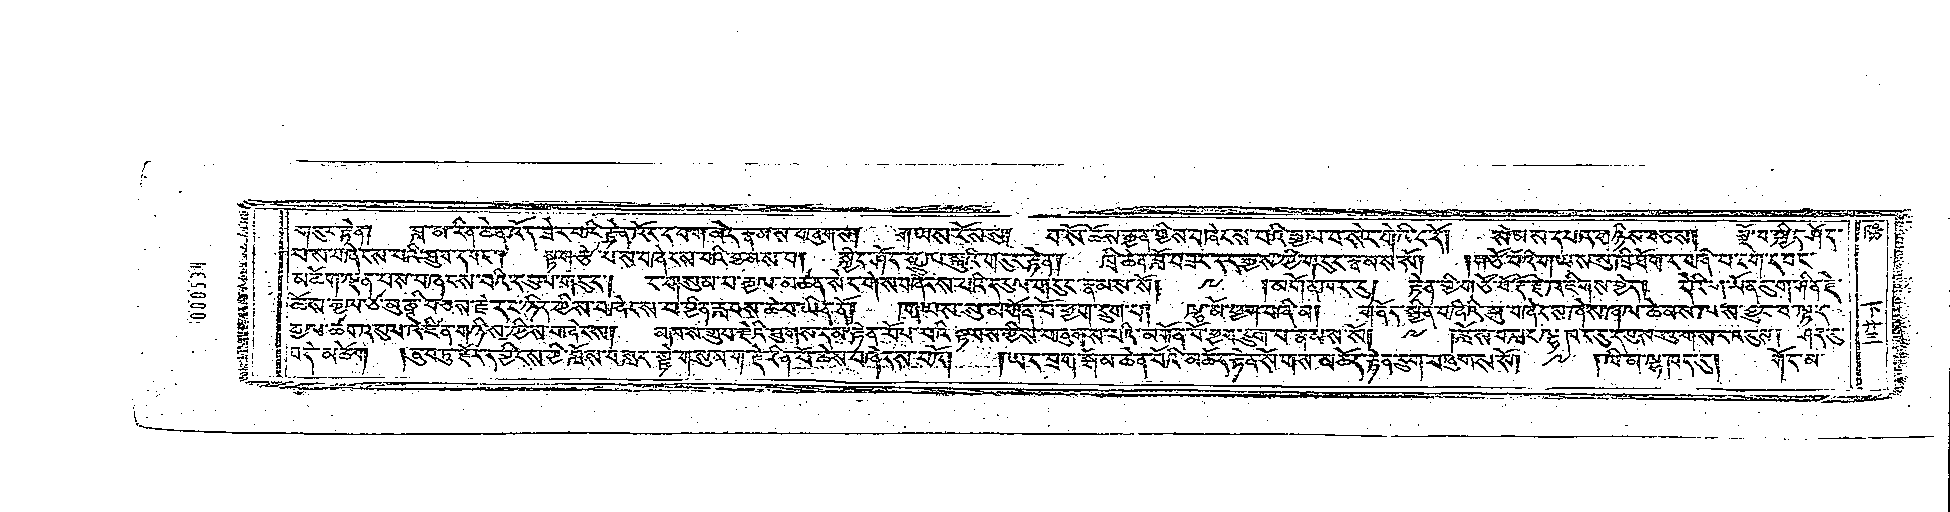གདུང་རྟེན། བླ་མ་རིན་ཆེན་འོད་ཟེར་བའི་རྟེན་འོད་དཔག་མེད་རྣམས་བཞུགས། གཡས་ངོས་སུ། བ་སོ་ཆོས་རྒྱན་གྱིས་བཞེངས་པའི་རྒྱལ་བ་སེང་གེའི་ང་རོ། སེམས་དཔའ་གཉིས་བཅས། སྡོ་པ་སྐྱིད་ཤོང་
པས་ཞེངས་པའི་ཐུབ་དབང་། སྟག་རྩེ་པས་བཞེངས་པའི་བྱམས་པ། སྐྱིད་ཤོང་སྤྲུལ་སྐུའི་གདུང་རྟེན། ཁྲི་ཆེན་བློ་བཟང་དང་རྒྱས་ཀྱི་གདུང་རྣམས་སོ། །གཙོ་བོའི་གཡས་སུ་ཁྲི་ཐོག་ད་བཞི་པ་ངག་དབང་
མཆོག་ལྡན་པས་བཞངས་བའི་དངུལ་གདུང་། ང་གསུམ་པ་རྒྱལ་མཚན་སེང་གེས་བཞེངས་པའི་དངུལ་གདུང་རྣམས་སོ། ༧་།མགོན་ཁང་དུ། རྟེན་གྱི་གཙོ་བོ་རྡོ་རྗེ་འཇིགས་བྱེད། དེའི་གཡོན་དུ་གཤིན་རྗེ་
ཆོས་རྒྱལ་ཙ་མུཎྚི་བཅས་རྗེ་དང་ཉིད་ཀྱིས་བཞེངས་པ་བྱིན་རླབས་ཆེ་བ་ཡིན་ནོ། །གཡས་སུ་མགོན་པོ་ཕྱག་དྲུག་པ། ལྷ་མོ་ཕྱག་བཞི་མ། གནོད་སྦྱིན་བཞིའི་སྐུ་བཞེངས་ཞེས་ཞལ་ཆེམས་ལས་བྱུང་བ་ལྟར་
རྒྱལ་ཚབ་འདུལ་འཛིན་གཉིས་ཀྱིས་བཞེངས། མཁས་གྲུབ་རྗེའི་ཐུགས་དམ་རྟེན་རོལ་པའི་སྟབས་ཀྱིས་བཞུགས་པའི་མགོན་པོ་ཕྱག་དྲུག་པ་རྣམས་སོ། ༧་།བློས་བསླང་ལྷ་ཁང་དུ་དབུས་སུ་གསང་འདུས། ཤར་དུ་
བདེ་མཆོག །ནུབ་ཏུ་རྗོད་དབྱིངས་ཀྱི་བློས་བསླང་སྟེ་གསུམ་ག་རྗེ་རིན་པོ་ཆེས་བཞེངས་པའོ། །ཡང་བྲག་སྒོམ་ཆེན་པོའི་མཆོད་རྟེན་སོགས་མཆོད་རྟེན་དྲུག་བཞུགས་སོ། ༧་།ལི་མ་ལྷ་ཁང་དུ། གོང་མ་